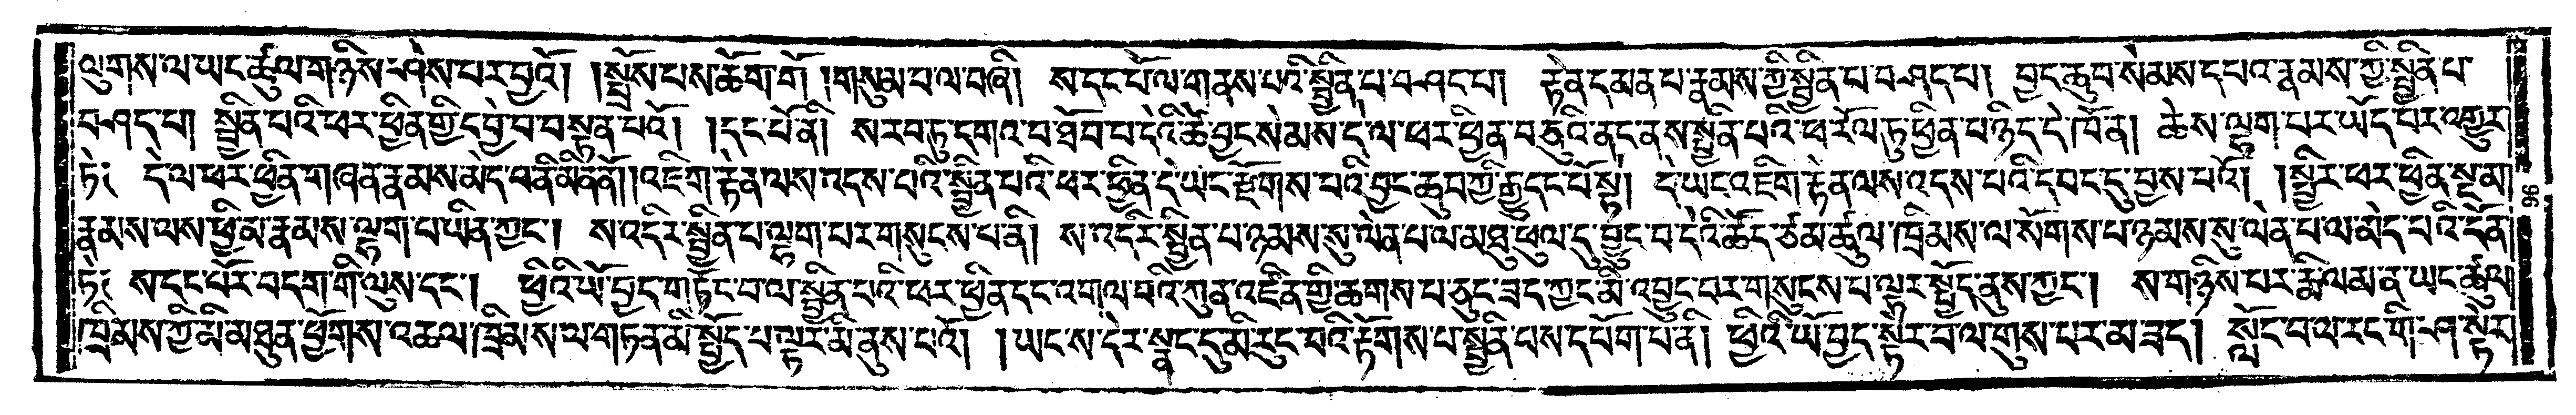ལུགས་ལ་ཡང་ཚུལ་གཉིས་ཤེས་པར་བྱའོ། སྤྲོས་པས་ཆོག་གོ །གསུམ་པ་ལ་བཞི། ས་དང་པོ་ལ་གནས་པའི་སྦྱིན་པ་བཤད་པ། རྟེན་དམན་པ་རྣམས་ཀྱི་སྦྱིན་པ་བཤད་པ། བྱང་ཆུབ་སེམས་དཔའ་རྣམས་ཀྱི་སྦྱིན་པ་
བཤད་པ། སྦྱིན་པའི་ཕར་ཕྱིན་གྱི་དབྱེ་བ་བསྟན་པའོ། །དང་པོ་ནི། ས་རབ་ཏུ་དགའ་བ་ཐོབ་པ་དེའི་ཚེ་བྱང་སེམས་དེ་ལ་ཕར་ཕྱིན་བཅུའི་ནང་ནས་སྦྱིན་པའི་ཕ་རོལ་ཏུ་ཕྱིན་པ་ཉིད་དེ་ཁོ་ན། ཆོས་ལྷག་པར་ཡོད་པར་འགྱུར་
ཏེ༑ དེ་ལ་ཕར་ཕྱིན་གཞན་རྣམས་མེད་པ་ནི་མིན་ནོ། །འཇིག་རྟེན་ལས་འདས་པའི་སྦྱིན་པའི་ཕར་ཕྱིན་དེ་ཡང་རྫོགས་པའི་བྱང་ཆུབ་ཀྱི་རྒྱུ་དང་པོ་སྟེ། དེ་ཡང་འཇིག་རྟེན་ལས་འདས་པའི་དབང་དུ་བྱས་པའོ། །སྤྱིར་ཕར་ཕྱིན་སྔ་མ་
རྣམས་ལས་ཕྱི་མ་རྣམས་ལྷག་པ་ཡིན་ཀྱང་། ས་འདིར་སྦྱིན་པ་ལྷག་པར་གསུངས་པ་ནི། ས་འདིར་སྦྱིན་པ་ཉམས་སུ་ལེན་པ་ལ་མཐུ་ཕུལ་དུ་བྱུང་བ་དེའི་ཚོད་ཙམ་ཚུལ་ཁྲིམས་ལ་སོགས་པ་ཉམས་སུ་ལེན་པ་ལ་མེད་པའི་དོན་
ཏེ༑ ས་དང་པོར་བདག་གི་ལུས་དང་། ཕྱིའི་ཡོ་བྱད་གཏོང་བ་ལ་སྦྱིན་པའི་ཕར་ཕྱིན་དང་འགལ་བའི་ཀུན་འཛིན་གྱི་ཆགས་པ་ཅུང་ཟད་ཀྱང་མི་འབྱུང་བར་གསུངས་པ་ལྟར་སྤྱོད་ནུས་ཀྱང་། ས་གཉིས་པར་རྨི་ལམ་ན་ཡང་ཚུལ་
ཁྲིམས་ཀྱི་མི་མཐུན་ཕྱོགས་འཆལ་ཁྲིམས་ལ་གཏན་མི་སྤྱོད་པ་ལྟར་མི་ནུས་པའོ། །ཡང་ས་དེར་སྣང་དུ་མི་རུང་བའི་རྟོགས་པ་སྦྱིན་པས་དཔོག་པ་ནི། ཕྱིའི་ཡོ་བྱད་སྟེར་བ་ལ་གུས་པར་མ་ཟད། སློང་བ་ལ་རང་གི་ཤ་སྟེར་